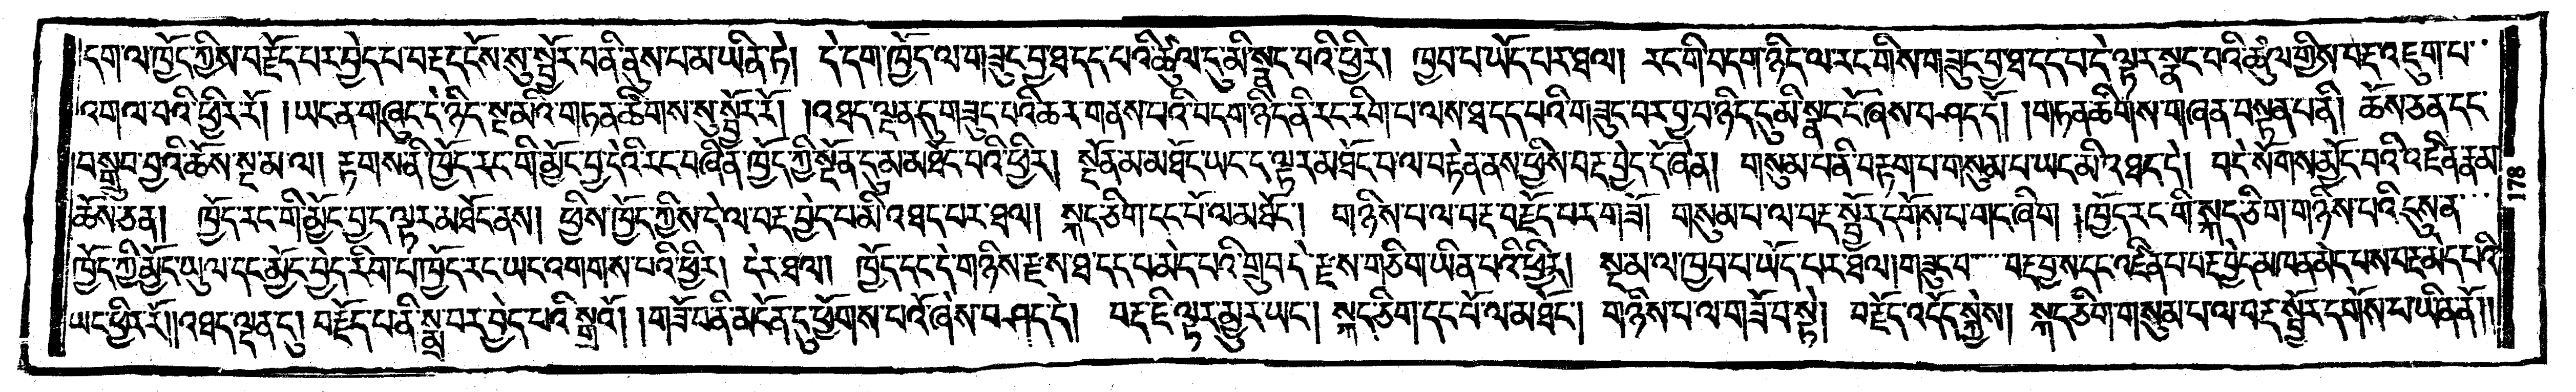དག་ལ་ཁྱོད་ཀྱིས་བརྗོད་པར་བྱེད་པ་བརྡ་དངོས་སུ་སྦྱོར་བ་ནི་ནུས་པ་མ་ཡིན་ཏེ། དེ་དག་ཁྱོད་ལ་གཟུང་བྱ་ཐ་དད་པའི་ཚུལ་དུ་མི་སྣང་བའི་ཕྱིར། ཁྱབ་པ་ཡོད་པར་ཐལ། རང་གི་བདག་ཉིད་ལ་རང་གིས་གཟུང་བྱ་ཐ་དད་པ་དེ་ལྟར་སྣང་བའི་ཚུལ་གྱིས་བརྡ་འཇུག་པ་
འགལ་བའི་ཕྱིར་རོ། །ཡང་ན་གཞུང་དེ་ཉིད་སྔ་མའི་གཏན་ཚིགས་སུ་སྦྱོར་རོ། །འཐད་ལྡན་དུ་གཟུང་བའི་ཆར་གནས་པའི་བདག་ཉིད་ནི་རང་རིག་པ་ལས་ཐ་དད་པའི་གཟུང་བར་བྱ་བ་ཉིད་དུ་མི་སྣང་ངོ་ཞེས་བཤད་དོ། །གཏན་ཚིགས་གཞན་བསྟན་པ་ནི། ཆོས་ཅན་དང་
བསྒྲུབ་བྱའི་ཆོས་སྔ་མ་ལ། རྟགས་ནི་ཁྱོད་རང་གི་མྱོང་བྱ་དེའི་རང་བཞིན་ཁྱོད་ཀྱི་སྔོན་དུ་མ་མཐོང་བའི་ཕྱིར། སྔོན་མ་མཐོང་ཡང་ད་ལྟར་མཐོང་བ་ལ་བརྟེན་ནས་ཕྱིས་བརྡ་བྱེད་དོ་ཞེ་ན། གསུམ་པ་ནི་བརྟག་པ་གསུམ་པ་ཡང་མི་འཐད་དེ། བདེ་སོགས་མྱོང་བའི་འཛིན་རྣམ་
ཆོས་ཅན། ཁྱོད་རང་གི་མྱོང་བྱ་ད་ལྟར་མཐོང་ནས། ཕྱིས་ཁྱོད་ཀྱིས་དེ་ལ་བརྡ་བྱེད་པ་མི་འཐད་པར་ཐལ། སྐད་ཅིག་དང་པོ་ལ་མཐོང་། གཉིས་པ་ལ་བརྡ་བརྗོད་པར་གཟོ། གསུམ་པ་ལ་བརྡ་སྦྱོར་དགོས་པ་གང་ཞིག །ཁྱོད་རང་གི་སྐད་ཅིག་གཉིས་པའི་དུས་ན་
ཁྱོད་ཀྱི་མྱོང་ཡུལ་དང་མྱོང་བྱེད་རིག་པ་ཁྱོད་རང་ཡང་འགགས་པའི་ཕྱིར། དེར་ཐལ། ཁྱོད་དང་དེ་གཉིས་རྫས་ཐ་དད་པ་མེད་པའི་གྲུབ་དེ་རྫས་གཅིག་ཡིན་པའི་ཕྱིར། སྔ་མ་ལ་ཁྱབ་པ་ཡོད་པར་ཐལ། གཟུང་བ་བརྡ་བྱས་དང་འཛིན་པ་བརྡ་བྱེད་མཁན་མེད་པས་བརྡ་མེད་པའི་
ཡང་ཕྱིར་རོ། །འཐད་ལྡན་དུ། བརྗོད་པ་ནི་སྨྲ་བར་བྱེད་པའི་སྒྲའོ། །གཟོ་བ་ནི་མངོན་དུ་ཕྱོགས་པའོ་ཞེས་བཤད་དེ། བརྡ་ཇི་ལྟར་མྱུར་ཡང་། སྐད་ཅིག་དང་པོ་ལ་མཐོང་། གཉིས་པ་ལ་གཟོ་བ་སྟེ། བརྗོད་འདོད་སྐྱེས། སྐད་ཅིག་གསུམ་པ་ལ་བརྡ་སྦྱོར་དགོས་པ་ཡིན་ནོ། །